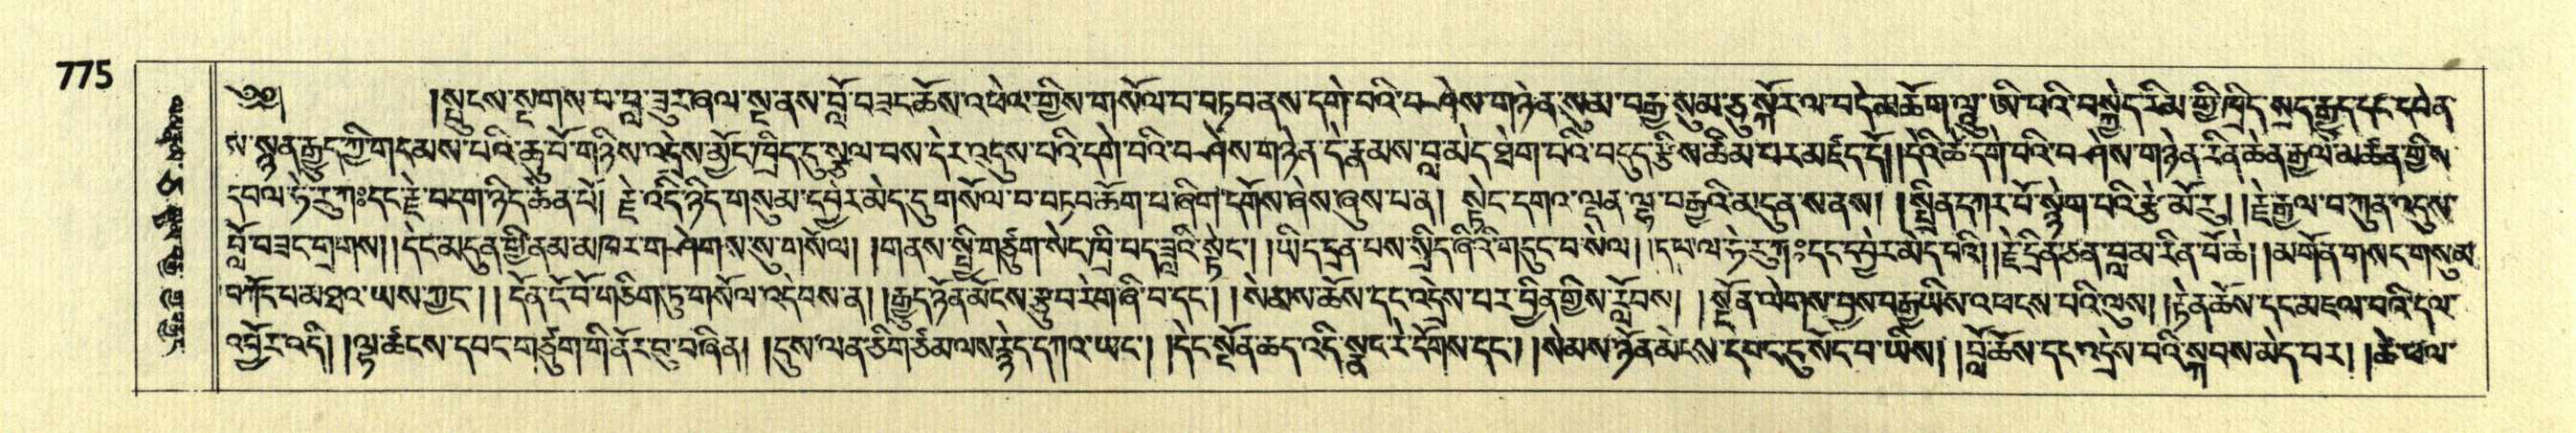༄༅། །སྤུངས་སྔགས་པ་བླ་ཟུར་ཞལ་སྔ་ནས་བློ་བཟང་ཆོས་འཕེལ་གྱིས་གསོལ་བ་བཏབ་ནས་དགེ་བའི་བཤེས་གཉེན་སུམ་བརྒྱ་སུམ་ཅུ་སྐོར་ལ་བདེ་མཆོག་ལཱུ་ཨི་པའི་བསྐྱེད་རིམ་གྱི་ཁྲིད་སྲད་རྒྱུད་དང་དབེན་
ས་སྙན་རྒྱུད་ཀྱི་གདམས་པའི་ཆུ་པོ་གཉིས་འདྲེས་མྱོང་ཁྲིད་དུ་སྩལ་བས་དེར་འདུས་པའི་དགེ་བའི་བཤེས་གཉེན་དེ་རྣམས་བླ་མེད་ཐེག་བའི་བདུད་རྩིས་ཚིམ་པར་མཛད་དོ། །དེའི་ཚེ་དགེ་བའི་བཤེས་གཉེན་རིན་ཆེན་རྒྱལ་མཚན་གྱིས་
དཔལ་ཧེ་རུ་ཀཿ དང་རྗེ་བདག་ཉིད་ཆེན་པོ། རྗེ་འདི་ཉིད་གསུམ་དབྱེར་མེད་དུ་གསོལ་བ་བཏབ་ཆོག་པ་ཞིག་དགོས་ཞེས་ཞུས་པ་ན། སྟེང་དགའ་ལྡན་ལྷ་བརྒྱའི་མདུན་ས་ནས། །སྤྲིན་དཀར་པོ་སྙེག་པའི་རྩེ་མོ་རུ། །རྗེ་རྒྱལ་བ་ཀུན་འདུས་
བློ་བཟང་གྲགས། །དེང་མདུན་གྱི་ནམ་མཁར་གཤེགས་སུ་གསོལ། །གནས་སྤྱི་གཙུག་སེང་ཁྲི་བད་ཟླའི་སྟེང་། །ཡིད་དྲན་པས་སྲིད་ཞིའི་གདུང་བ་སེལ། །དཔལ་ཧེ་རུ་ཀཿ དང་དབྱེར་མེད་པའི། །རྗེ་དྲིན་ཅན་བླ་མ་རིན་པོ་ཆེ། །མགོན་གསང་གསུམ་
བཀོད་པ་མཐའ་ཡས་ཀྱང་། །དོན་ངོ་བོ་གཅིག་ཏུ་གསོལ་འདེབས་ན། །རྒྱུད་ཉོན་མོངས་རྩུབ་རེག་ཞི་བ་དང་། །སེམས་ཆོས་དང་འདྲེས་པར་བྱིན་གྱིས་རློབས། །སྔོན་ལེགས་བྱས་བརྒྱ་ཡིས་འཕངས་པའི་ལུས། །རྟེན་ཆོས་དང་མཇལ་བའི་དལ་
འབྱོར་འདི། །ལྷ་ཚངས་དབང་གཙུག་གི་ནོར་བུ་བཞིན། །དུས་ལན་ཅིག་ཙམ་ལས་རྙེད་དཀའ་ཡང་། །དེང་སྔོན་ཆད་འདི་སྣང་རེ་དོགས་དང་། །སེམས་ཉོན་མོངས་དབང་དུ་སོང་བ་ཡིས། །བློ་ཆོས་དང་འདྲེས་པའི་སྐབས་མེད་བར། །ཚེ་ཕལ་